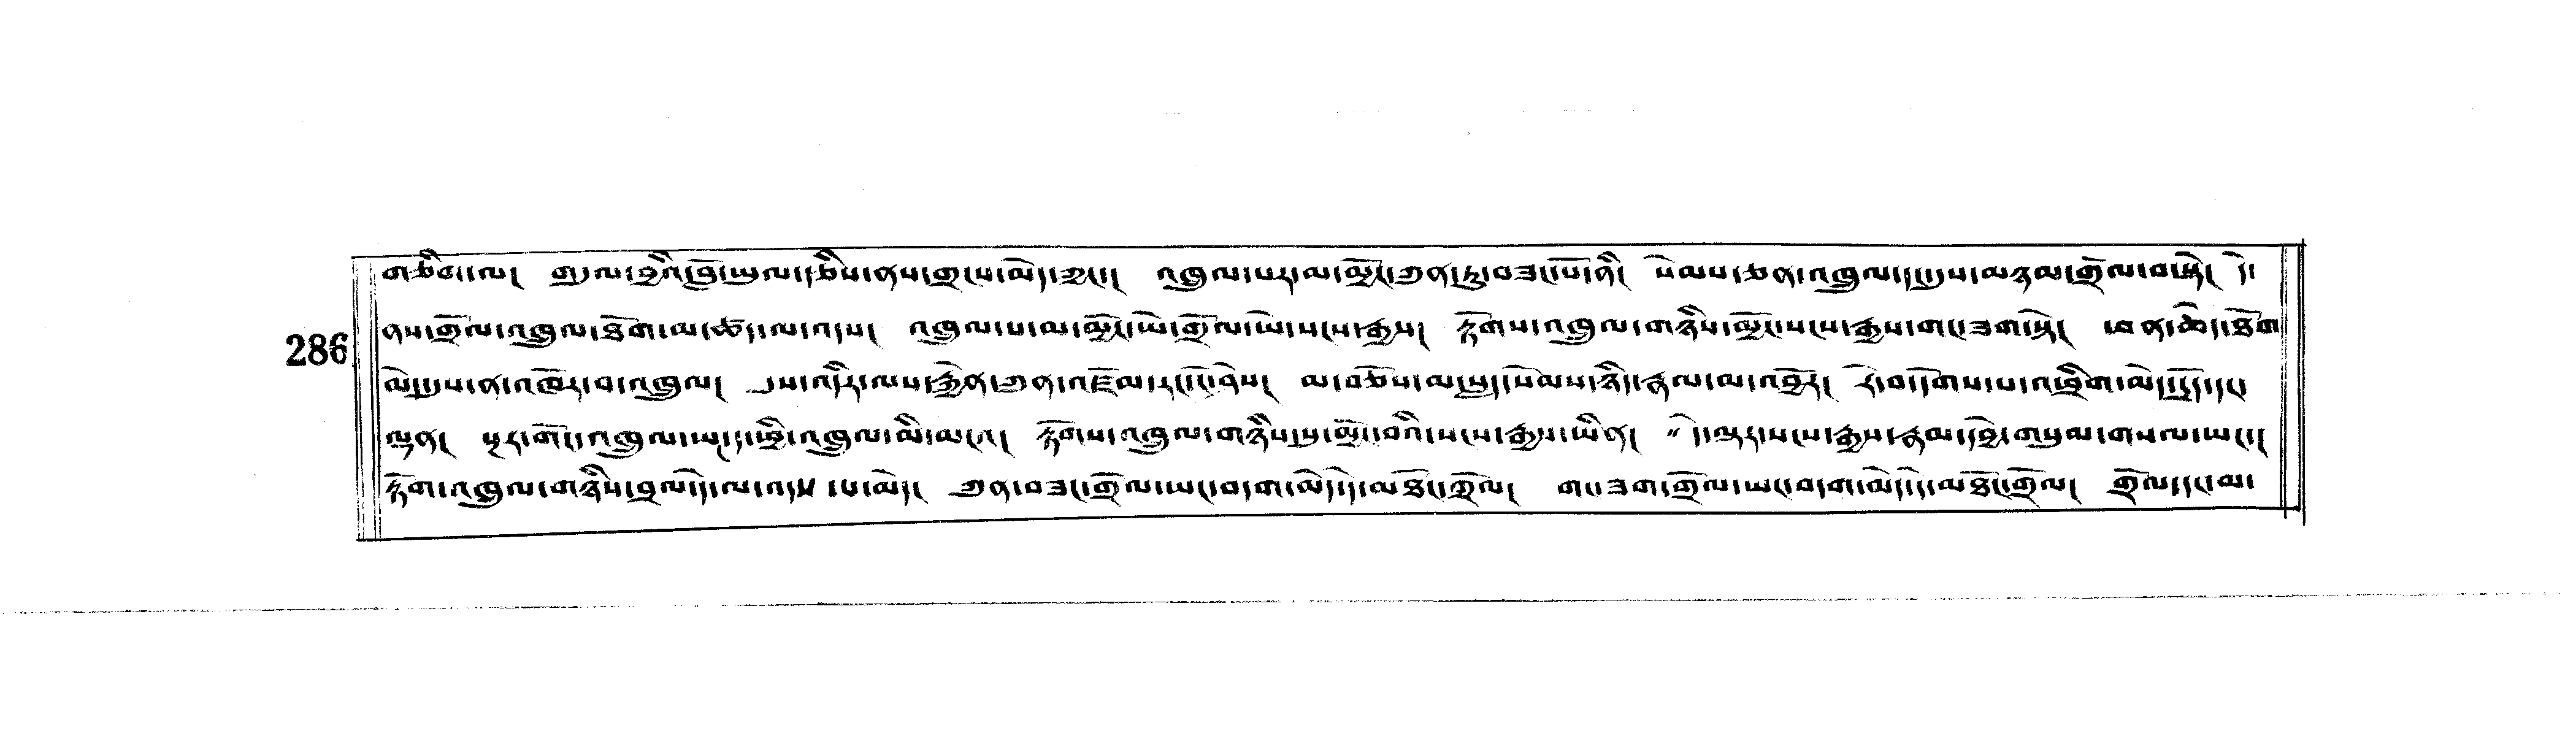གཅིག་ལ། གདུལ་བྱའི་བློ་ཡུལ་བརྩིས་ན་གྲངས་མེད་ཀྱང་། འཁྲུལ་པར་མ་མྱོང་ཀུན་ཏུ་བཟང་པོ་ནི། སེམས་ཅན་འཁྲུལ་དང་དུས་མཉམ་གྲོལ་བ་སྟེ། དེ་
ནས་གྲོལ་འཁྲུལ་ཐོག་མ་ཚད་ལས་འདས། འཁྲུལ་པ་མ་མྱོང་ཡེ་གྲོལ་ཡེ་སངས་རྒྱས། རྟོགས་འཁྲུལ་གཉིས་མྱོང་སངས་རྒྱས་གང་ཟག་སྟེ། ཕན་ཆེད་ཐོག་
མེད་དུས་ནས་འཁོར་བ་འཁྲུལ། དུས་འདིར་ལས་རྐྱེན་ཀུན་འཛོམས་རང་ངོ་ཤེས། མ་བཅོས་མ་བསླད་སེམས་ཉིད་རྣལ་མ་འབྱོར། རེ་བ་དྭོགས་པ་འཕྲིག་མེད་དྲོད་དང་
ལྡན། སྔར་གོང་འཁྲུལ་ཡང་ད་ཕྱི་འཁྲུལ་མི་མངའ། རྟོགས་འཁྲུལ་གཉིས་སུ་མྱོང་བའི་སངས་རྒྱས་ཡིན། ༧ དེ་ལྟར་སངས་རྒྱས་རྣམ་དབྱེ་གསུམ་གསལ་ཡང་། 
རྟོགས་འཁྲུལ་གཉིས་བྲལ་དེ་ལ་འདས་པ་མེད། ཀུན་བཟང་གྲོལ་ཡང་བདག་མེད་དེ་མཐོང་གྲོལ། གང་ཟག་གྲོལ་ཡང་བདག་མེད་དེ་མཐོང་གྲོལ། གྲོལ་དང་མ་